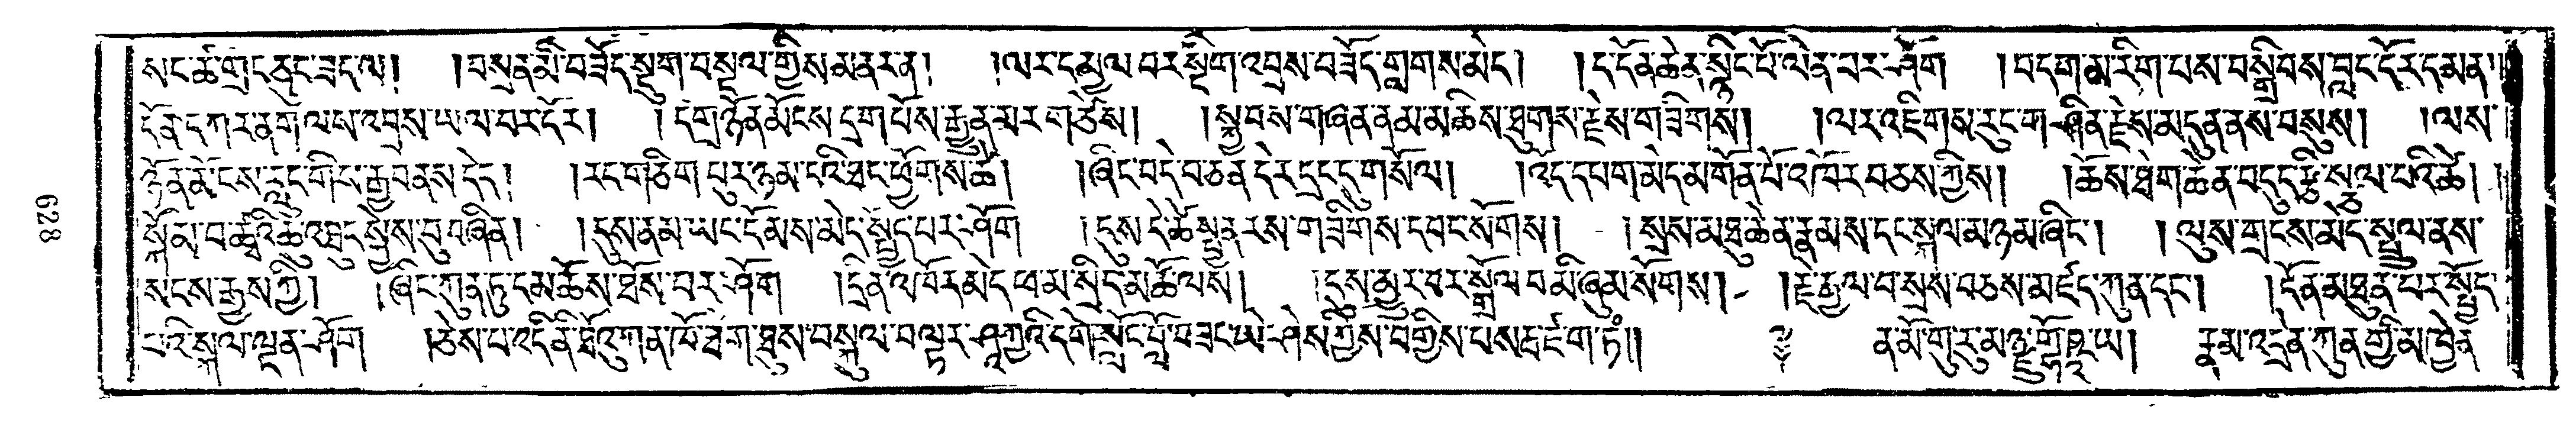སང་ཚ་གྲང་ཅུང་ཟད་ལ། །བསྲན་མི་བཟོད་སྡུག་བསྔལ་གྱིས་མནར་ན། །ལར་དམྱལ་བར་སྡིག་འབྲས་བཟོད་གླགས་མེད། །ད་དོན་ཆེན་སྙིང་པོ་ལེན་པར་ཤོག །བདག་མ་རིག་པས་བསྒྲིབས་བླང་དོར་དམན།།
དོན་དཀར་ནག་ལས་འབྲས་ཡལ་བར་དོར། །དགྲ་ཉོན་མོངས་དྲག་པོས་རྒྱུན་མར་གཙེས། །སྐྱབས་གཞན་ན་མ་མཆིས་ཐུགས་རྗེས་གཟིགས། །ལར་འཇིགས་རུང་གཤིན་རྗེས་མདུན་ནས་བསུས། །ལས་
ཉོན་མོངས་རླུང་གིས་རྒྱབ་ནས་དེད། །རང་གཅིག་པུར་ཉམ་ངའི་ཐང་ཕྱོགས་ཚེ། །ཞིང་བདེ་བ་ཅན་དེར་དྲང་དུ་གསོལ། །འོད་དཔག་མེད་མགོན་པོ་འཁོར་བཅས་ཀྱིས། །ཆོས་ཐེག་ཆེན་བདུད་རྩི་སྩལ་པའི་ཚེ། །
སྐོམ་བ་ཚྭའི་ཆུ་འཐུང་སྐྱེས་བུ་བཞིན། །དུས་ནམ་ཡང་ངོམས་མེད་སྤྱོད་པར་ཤོག །དུས་དེ་ཚེ་སྤྱན་རས་གཟིགས་དབང་སོགས། །སྲས་མཐུ་ཆེན་རྣམས་དང་སྐལ་མཉམ་ཞིང་། །ལུས་གྲངས་མེད་སྤྲུལ་ནས་
སངས་རྒྱས་ཀྱི། །ཞིང་ཀུན་ཏུ་དམ་ཆོས་ཐོས་པར་ཤོག །དྲིན་འཁོར་མེད་ཕ་མ་སྲིད་མཚོ་ལས། །དུས་མྱུར་བར་སྒྲོལ་བ་མི་ཞུམ་སོགས། །རྗེ་རྒྱལ་བ་སྲས་བཅས་མཛད་ཀུན་དང་། །དོན་མཐུན་པར་སྤྱོད་
པའི་སྐལ་ལྡན་ཤོག །ཅེས་པ་འདི་ནི་ཐོའུ་ཀན་ཁོ་ཐོག་ཐུས་བསྐུལ་བ་ལྟར་ཤཱཀྱའི་དགེ་སློང་བློ་བཟང་ཡེ་ཤེས་ཀྱིས་བགྱིས་པ་སརྦ་ཛ་ག་ཏཾ།། ༈ ན་མོ་གུ་རུ་མཉྫུ་གྷོཥཱ་ཡ། རྣམ་འདྲེན་ཀུན་གྱི་མཁྱེན་